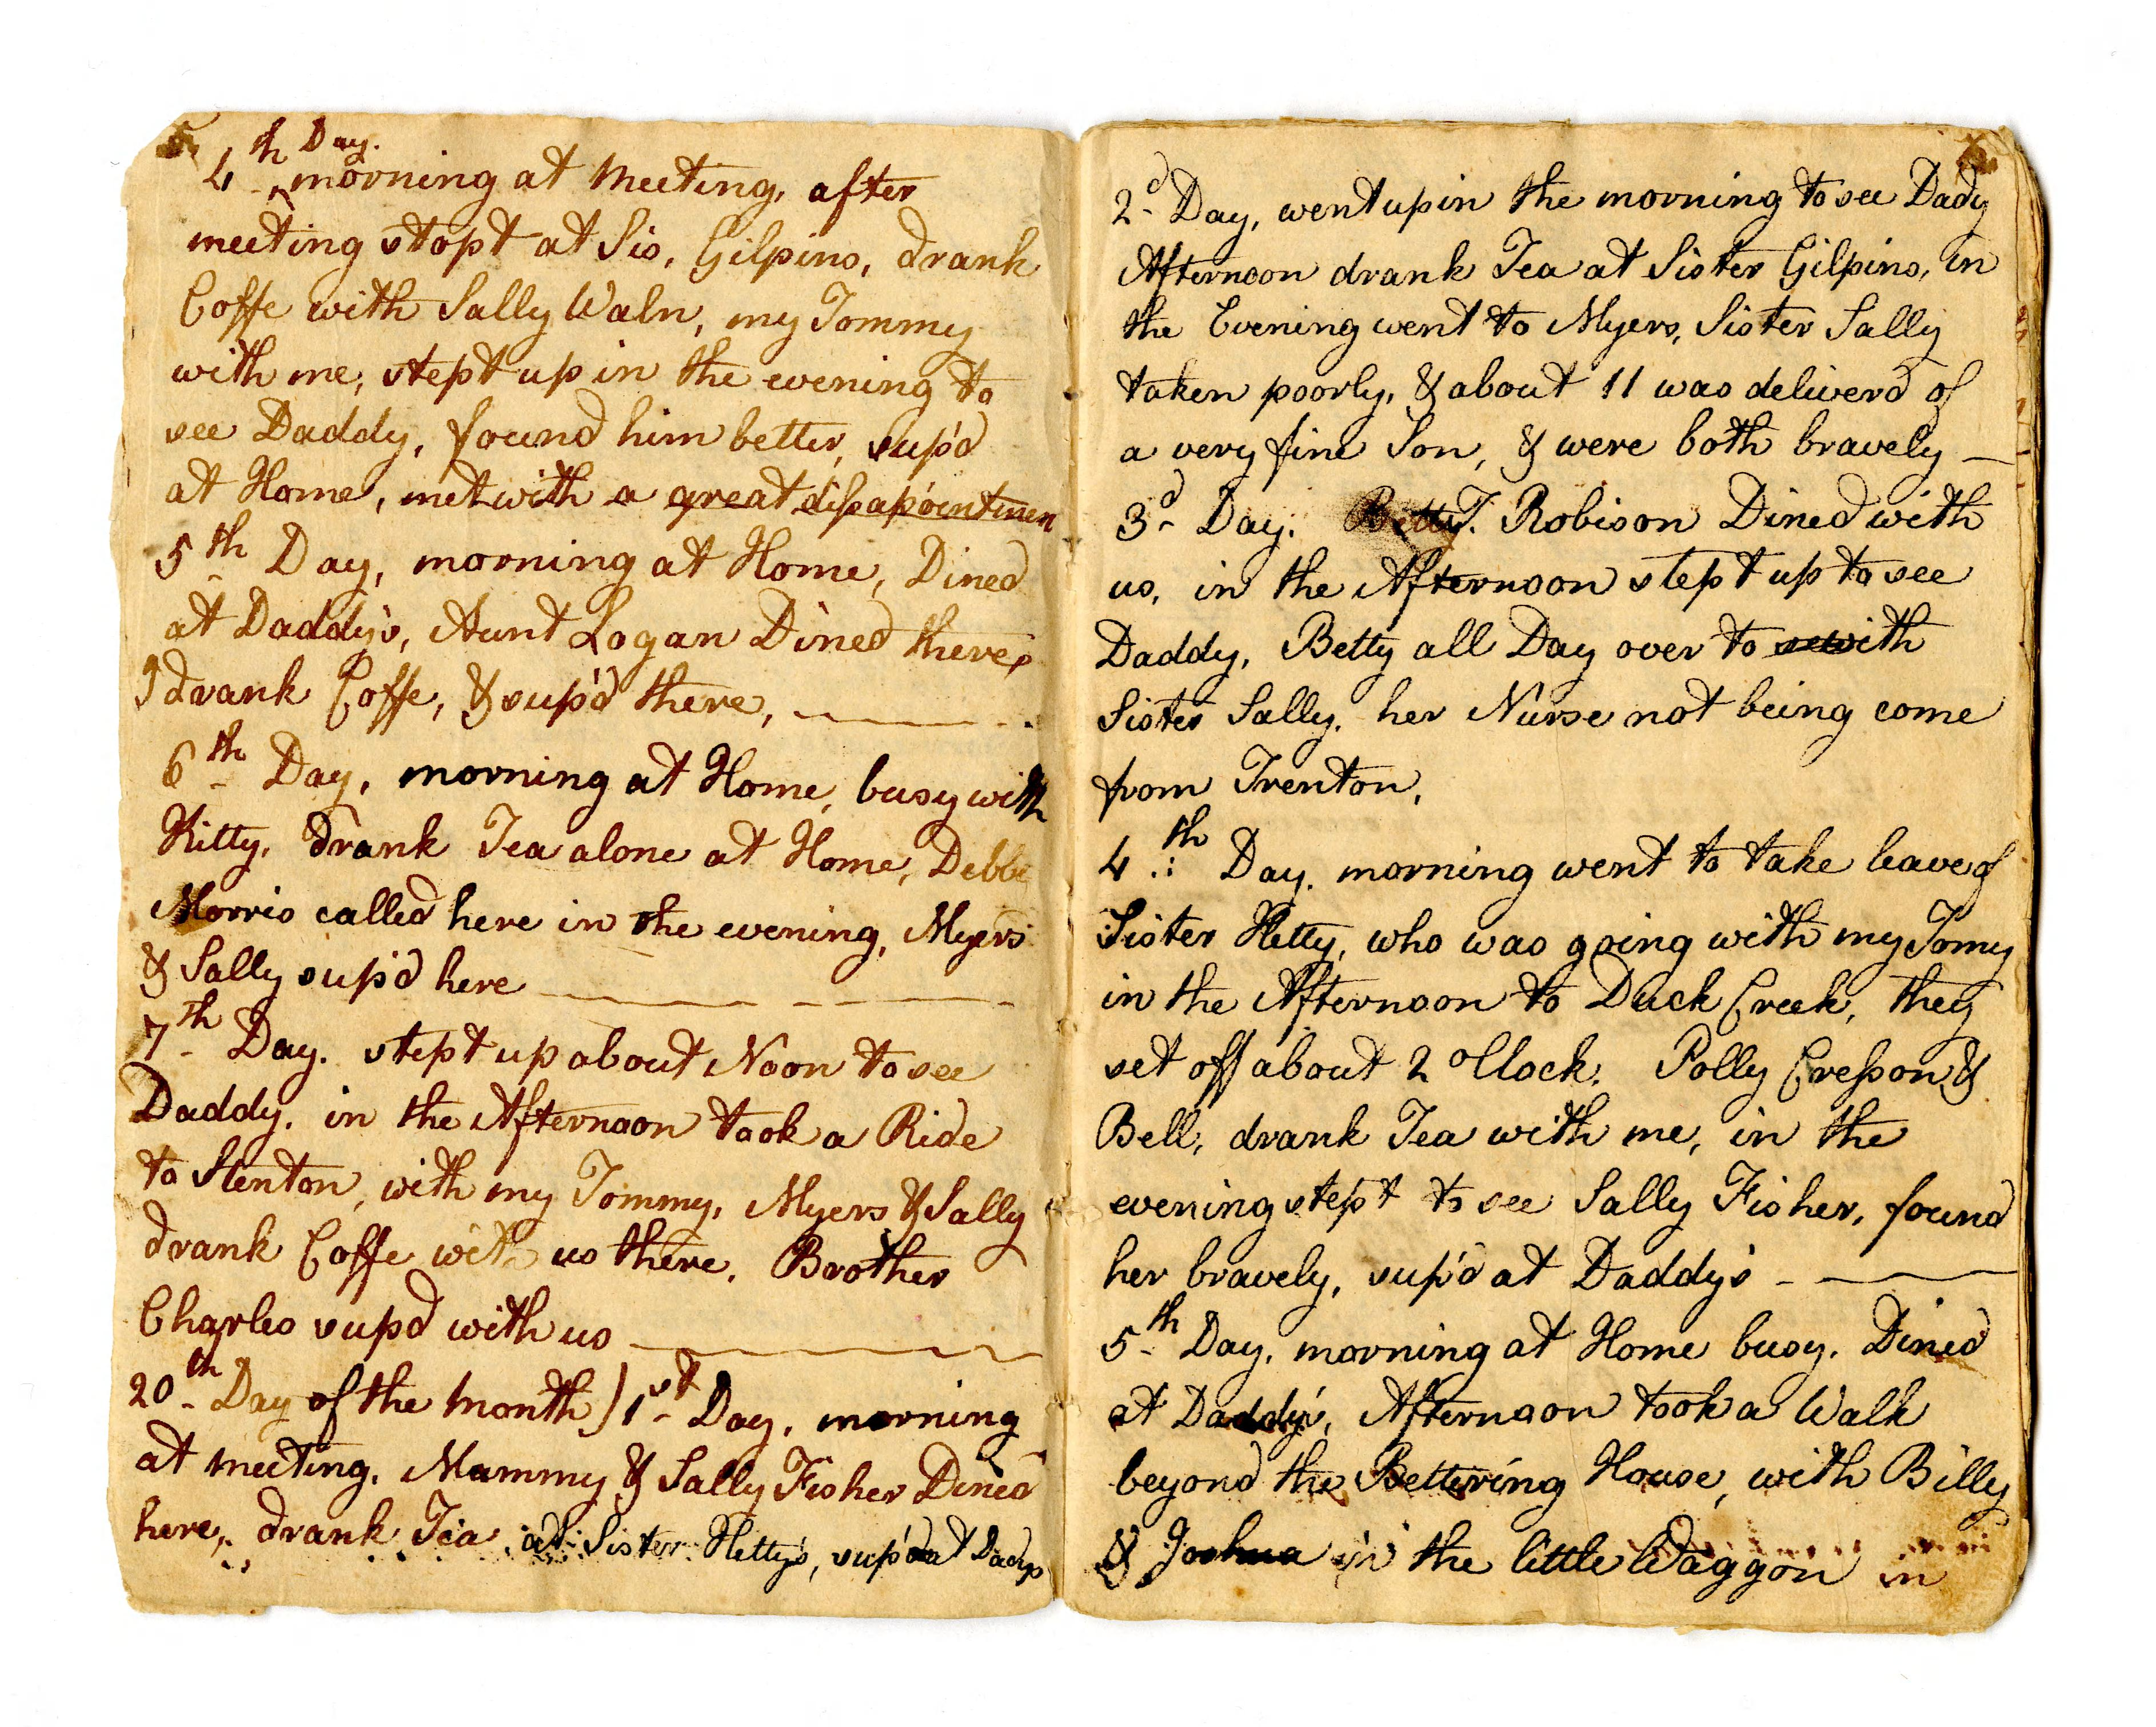4^th ^Day morning at Meeting, after
meeting stopt at Sis. Gilpins, drank
Coffe with Sally Waln, my Tommy
with me, stept up in the evening to
see Daddy, found him better, sup'd
at Home, met with a great dissapointmen
5^th Day, morning at Home, Dined
at Daddy's, Aunt Logan Dined there
I drank Coffe, & sup'd there,-
6^th Day, morning at Home, busy with
Kitty, drank Tea alone at Home, Debby
Morris called here in the evening, Myers
& Sally sup'd here -
7^th Day. stept up about Noon to see
Daddy. in the Afternoon took a Ride
to Stenton, with my Tommy, Myers & Sally
drank Coffe with us there. Brother
Charles supd with us -
20^th Day of the Month ) 1^st Day, morning
at meeting, Mammy & Sally Fisher Dined
here, drank Tea at Sister Hetty's, sup'd at Dadys
2^d Day, went up in the morning to see Dady
Afternoon drank Tea at Sister Gilpins, in
the Evening went to Myers, Sister Sally
taken poorly, & about 11 was delivered of
a very fine Son, & were both bravely -
3^d Day. [_____] T Robison Dined with
us, in the Afternoon stept up to see
Daddy, Betty all Day over to [__] with
Sister Sally, her Nurse not being come
from Trenton,
4^th Day. morning went to take leave of
Sister Hetty, who was going with my Tomy
in the Afternoon to Duck Creek, they
set off about 2 ^oClock. Polly Cresson &
Bell, drank Tea with me, in the
evening stept to see Sally Fisher, found
her bravely, sup'd at Daddy's-
5^th Day, morning at Home busy, Dined
at Daddy's, Afternoon took a Walk
beyond the Bettering House, with Billy
& Joshua in the little Waggon in